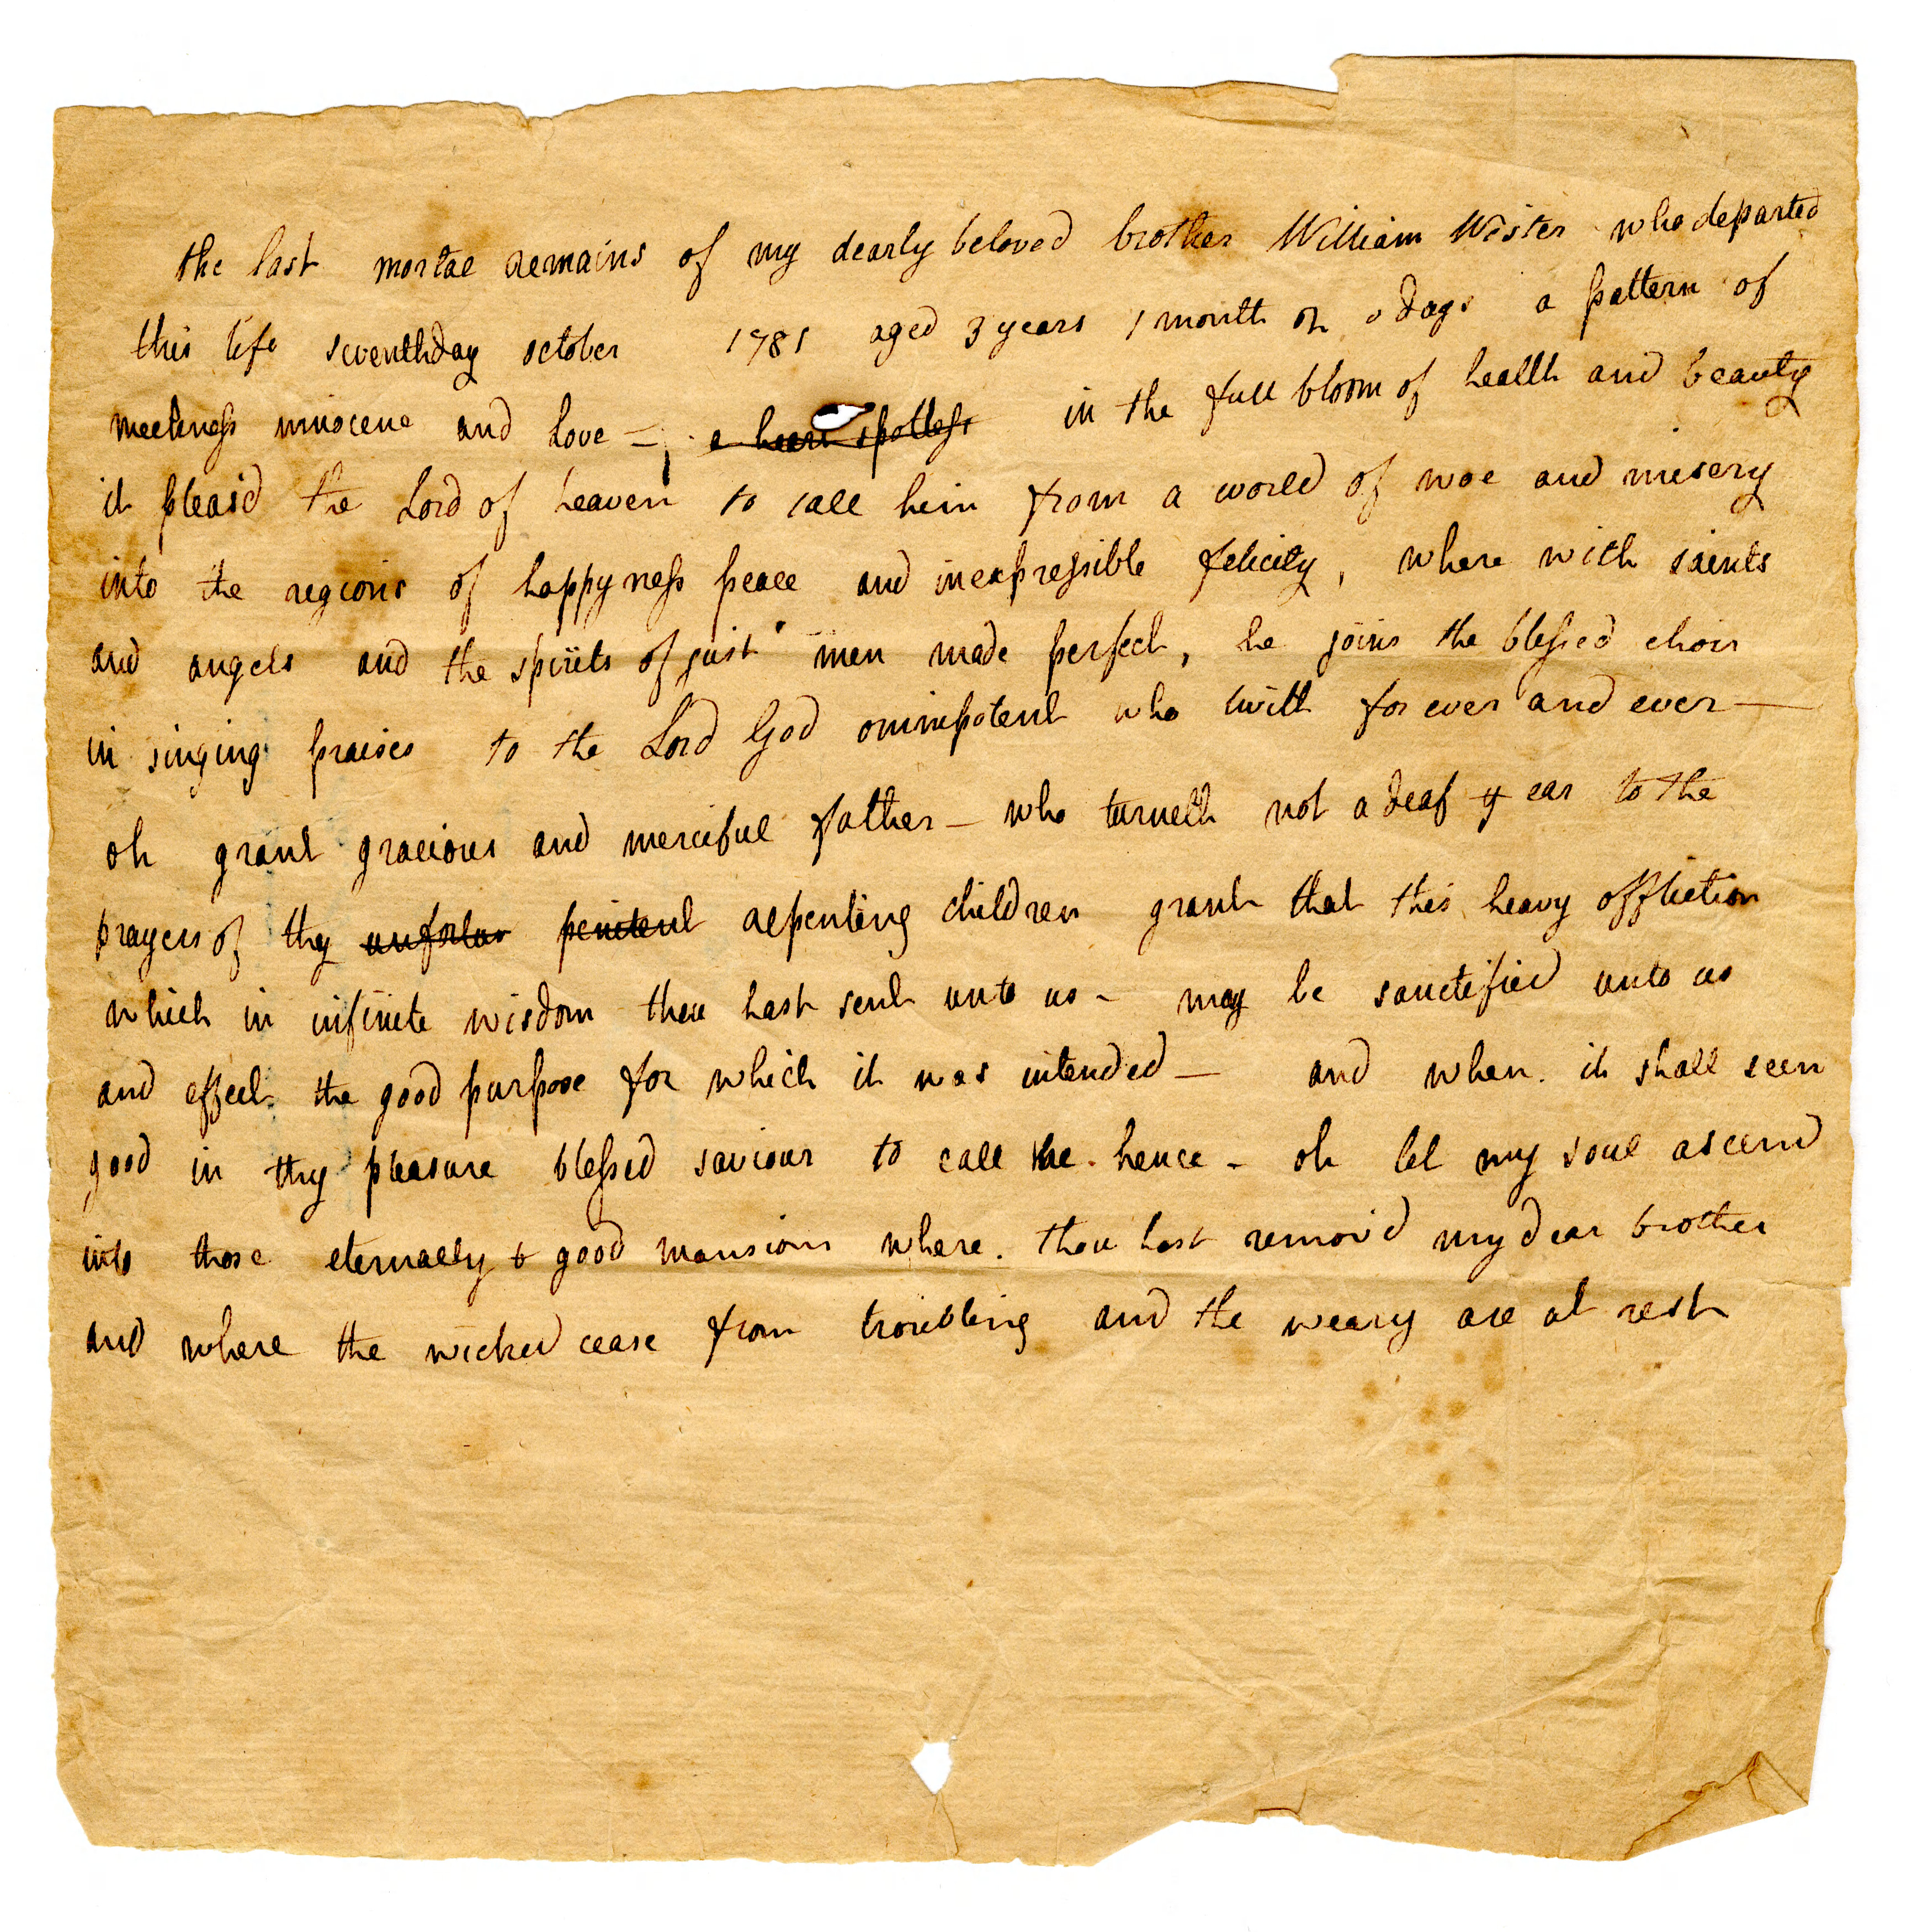the last mortal Remains of my dearly beloved brother William Wister who departed
this life seventhday october 1781 aged 3 years 1 month on a day a pattern of
meekness innocene and love [a heart spotless] in the full bloom of health and beauty
it pleas'd the Lord of heaven to call him from a world of woe and misery
into the regions of happyness peace and inexpressible felicity, where with saints
and angels and the spirits of just men made perfect, he joins the blessed choir
in singing praises to the Lord God omnipotent who with for ever and ever-
oh grant gracious and merciful father- who turneth not a deaf ear to the
prayer of thy [_______] [penitent] repenting children grant that this heavy affliction
which in infinite wisdom these last sent unto us- may be sanctified unto us
and effect the good purpose for which it was intended- and when it shall seem
good in thy pleasure blessed saviour to call me hence- oh let my soul ascend
into those eternally & good mansions where thou last remov'd my dear brother
and where the wicked cease from troubling and the weary are at rest